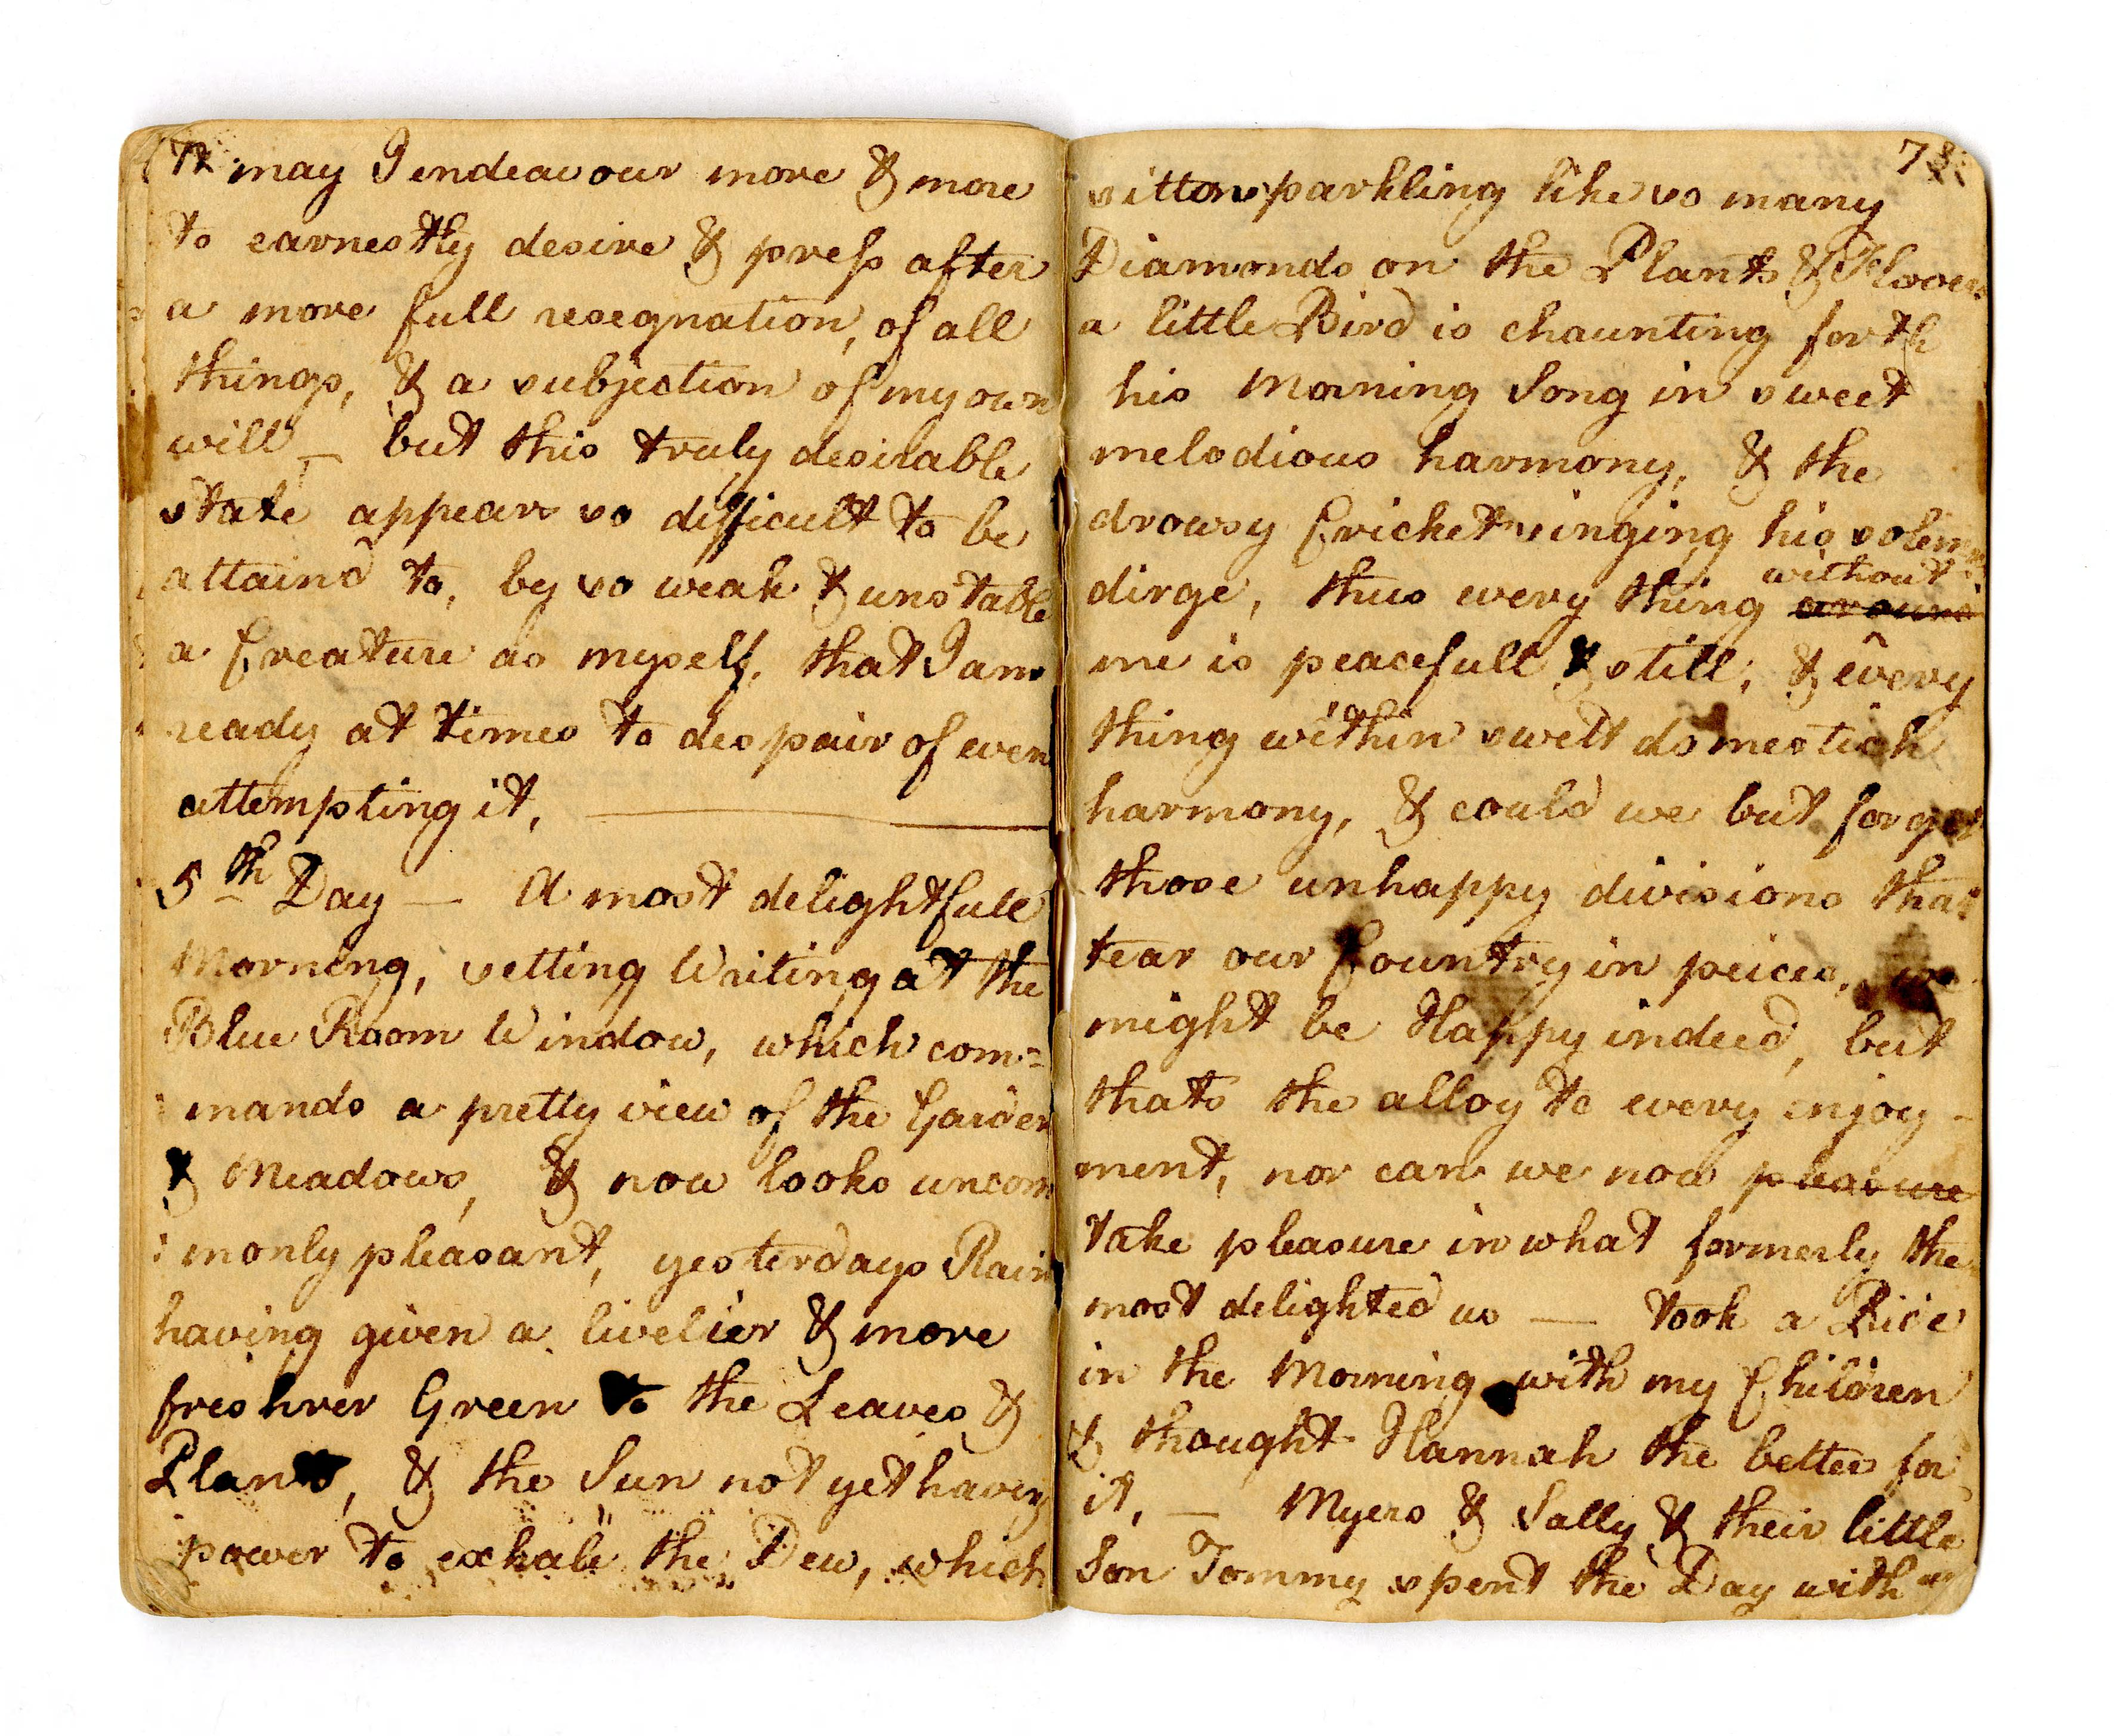72
may I endeavour more & more
to earnestly desire & press after
a more full resegnation of all
things, & a subjection of my own
will- but this truly desirable
state appears so difficult to be
attaind to, by so weak & unstable
a Creature as myself, that I an
ready at times to despair of even
attempting it-
5^th Day- A most delightfull
Morning, setting Writing at the
Blue Room Window, which com-
mands a pretty view of the Garden
& meadows, & now looks uncom
-monly pleasant, yesterdays Rain
having given a livelier & more
freshrer Green to the Leaves &
Plants, & the Sun not yet having
power to exhale the Dew, which
73
sitton sparkling like so many
Diamonds on the Plants & Flowers
a little Bird is chaunting forth
his Morning Song in sweet
melodious harmony, & the
drowsy Cricket singing his solemn
without
dirge, thus every thing anxious
me is peacefull & still, & every
thing within swelt domestick
harmony, & could we but forget
those unhappy divisions that
tear our Country in peices, [__]
might be Happy indeed, but
thats the alloy to every enjoy-
ment, nor ear we now pleasure
take pleasure in what formerly the
most delighted us- took a Ride
in the Morning- with my Children
& thought Hannah the better for
it,- Myers & Sally & their little
Son Tommy spent the Day with [me]